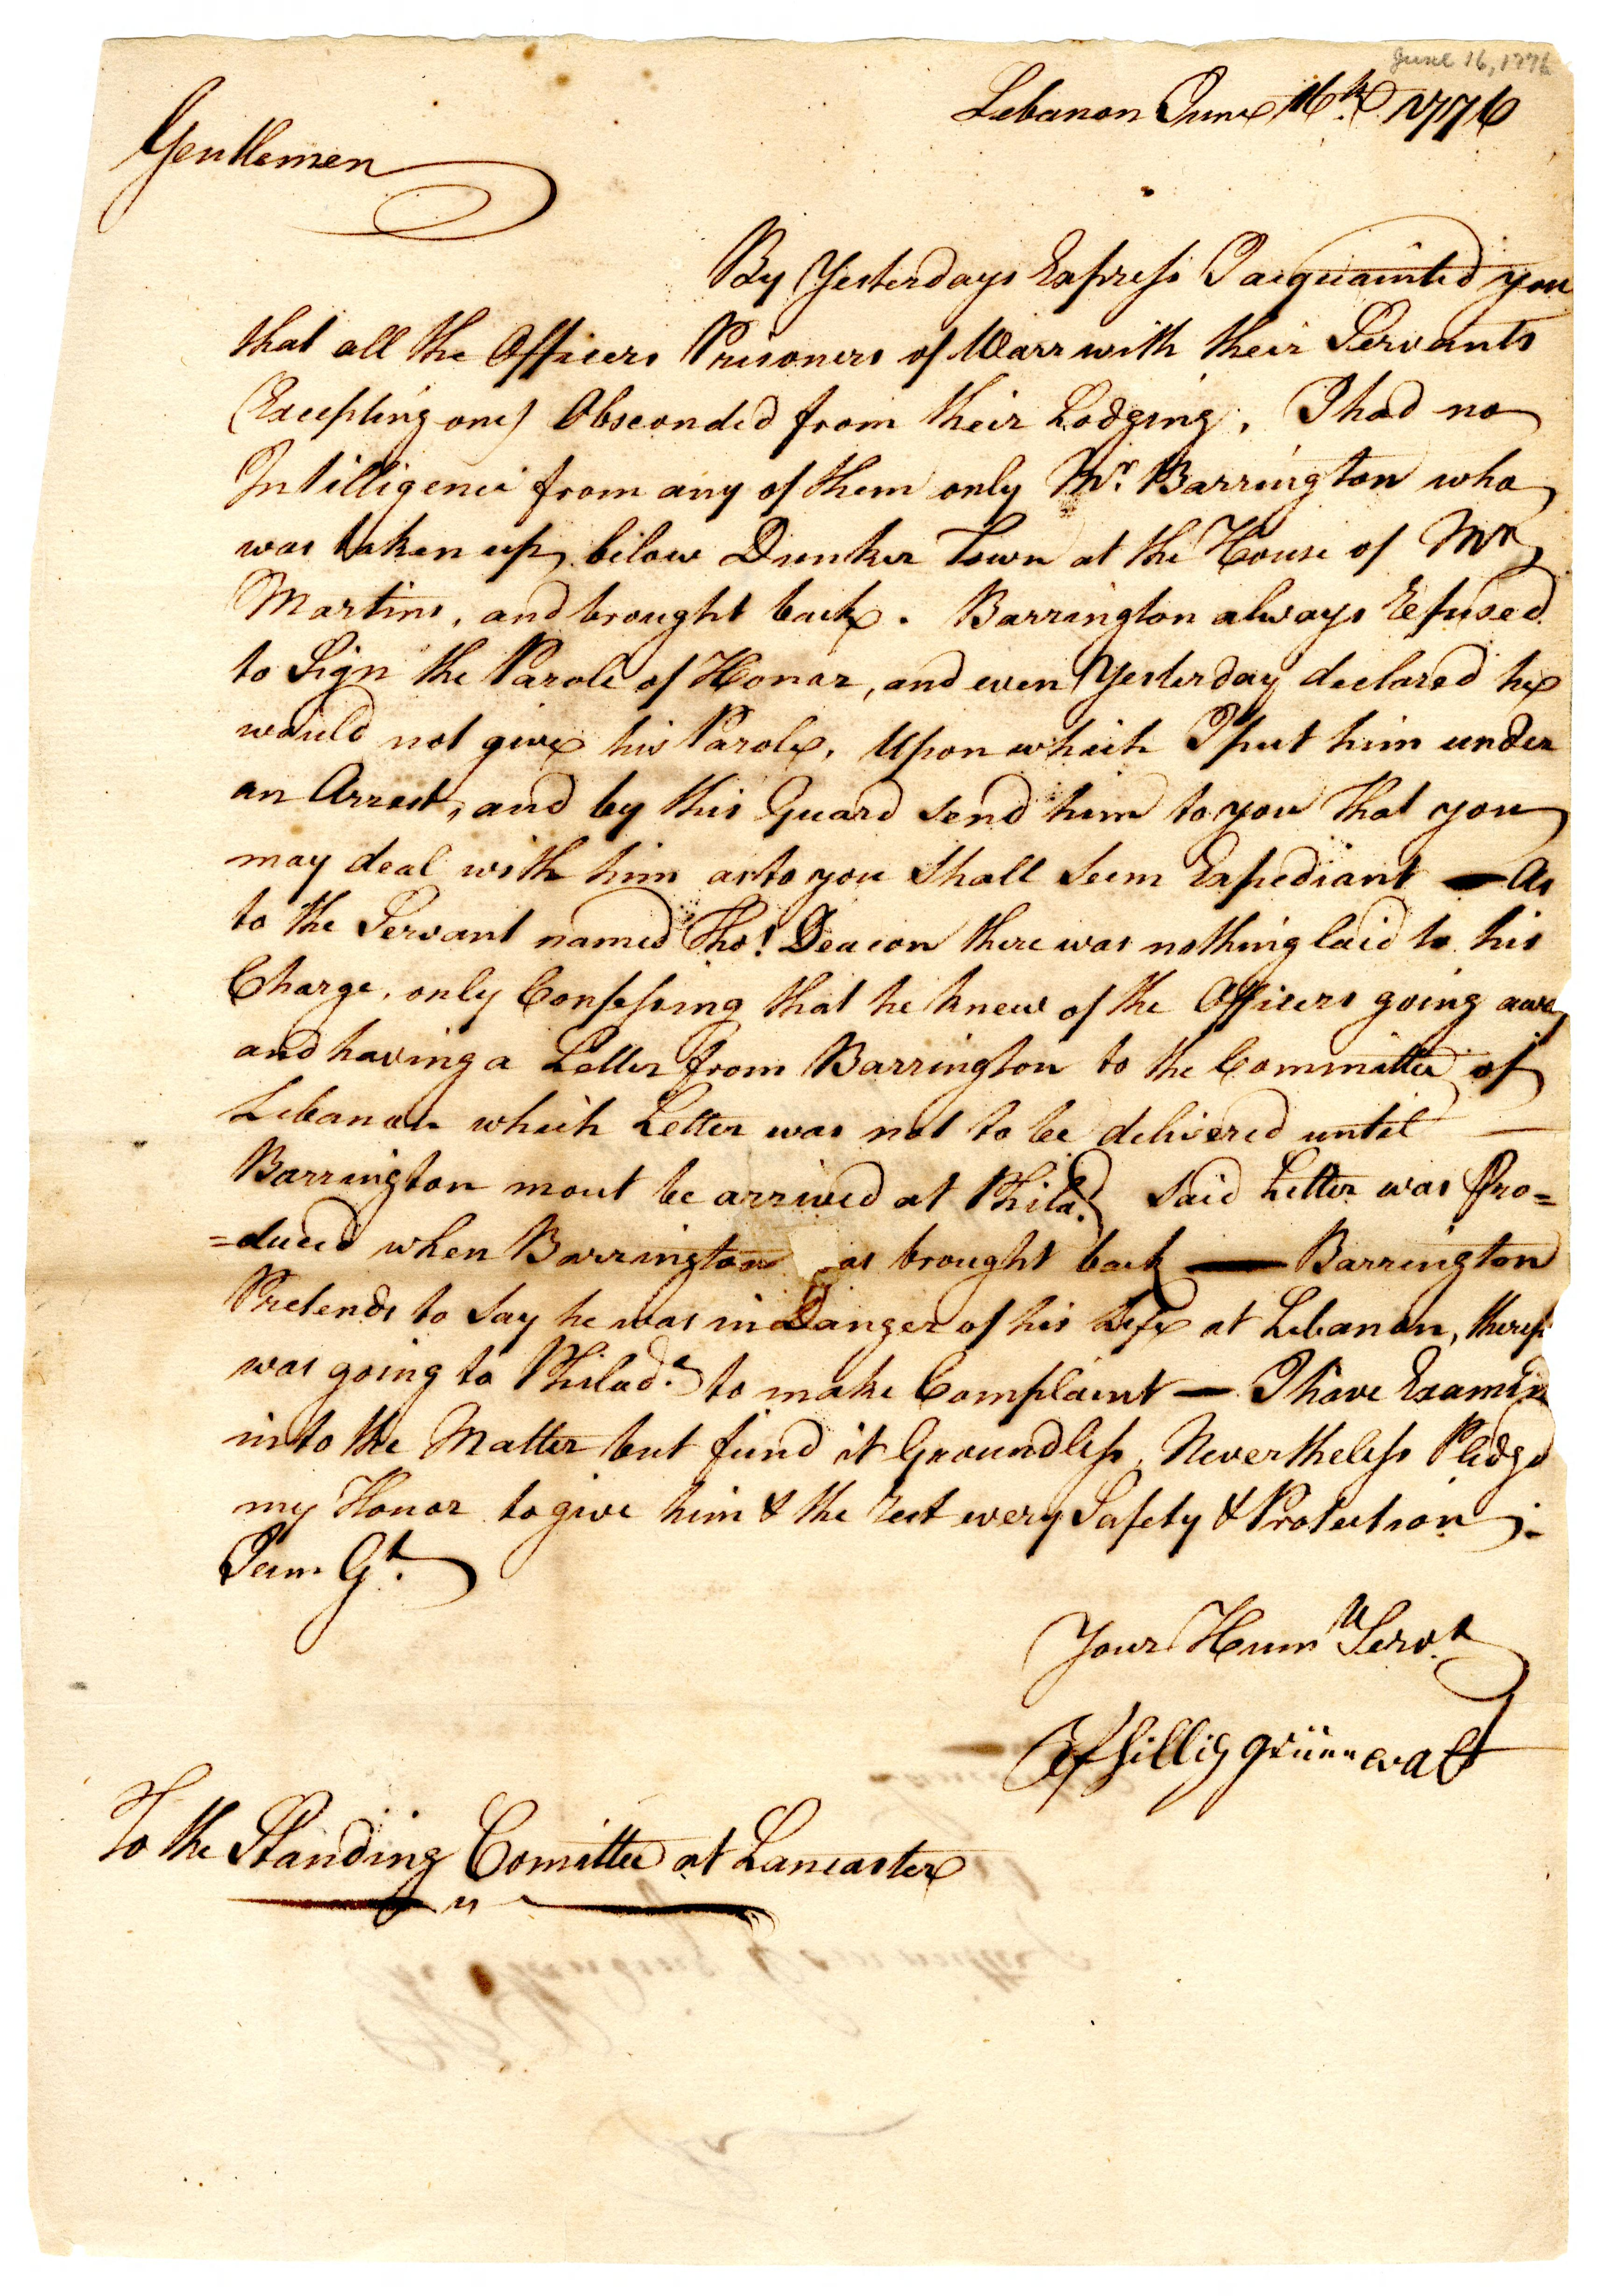Lebanon June 16^th. 1776
Gentlemen
By Yesterdays Express I acquainted you
that all the Officers Prisoners of Warr with their Servants
(Excepting one) Absconded from their Lodging. I had no
Intelligence from any of them only M^r. Barrington who
was taken up below Drinker Town at the House of M^r
Martins, and brought back. Barrington always refused
to Sign the Parole of Honor, and even Yesterday declared he
wduld not give his Parole, Upon which I put him under
an Arrest, and by this Guard send him to you that you
may deal with him as to you shall seem Expediant. As
to the Servant named Tho^s. Deacon there was nothing laid to his
Charge, only Confessing that he knew of the Officers going away
and having a Letter from Barrington to the Committee of
Lebanon which Letter was not to be delivered until
Barrington mout be arrived at Phila^d. Said Letter was Pro-
-duced when Barrington was brought back. Barrington
Pretends to say he was in Danger of his Life at Lebanaon, therefore
was going to Philad^a. to make Complaint. I have Examined
into the Matter but find it Groundless, Nevertheless Pledge
my Honor to give him & the rest every Safety & Protection.
I am G^l.
Your Hum^le Serv^t
Afhillig grünewalt
To the Standing Comittee at Lancaster